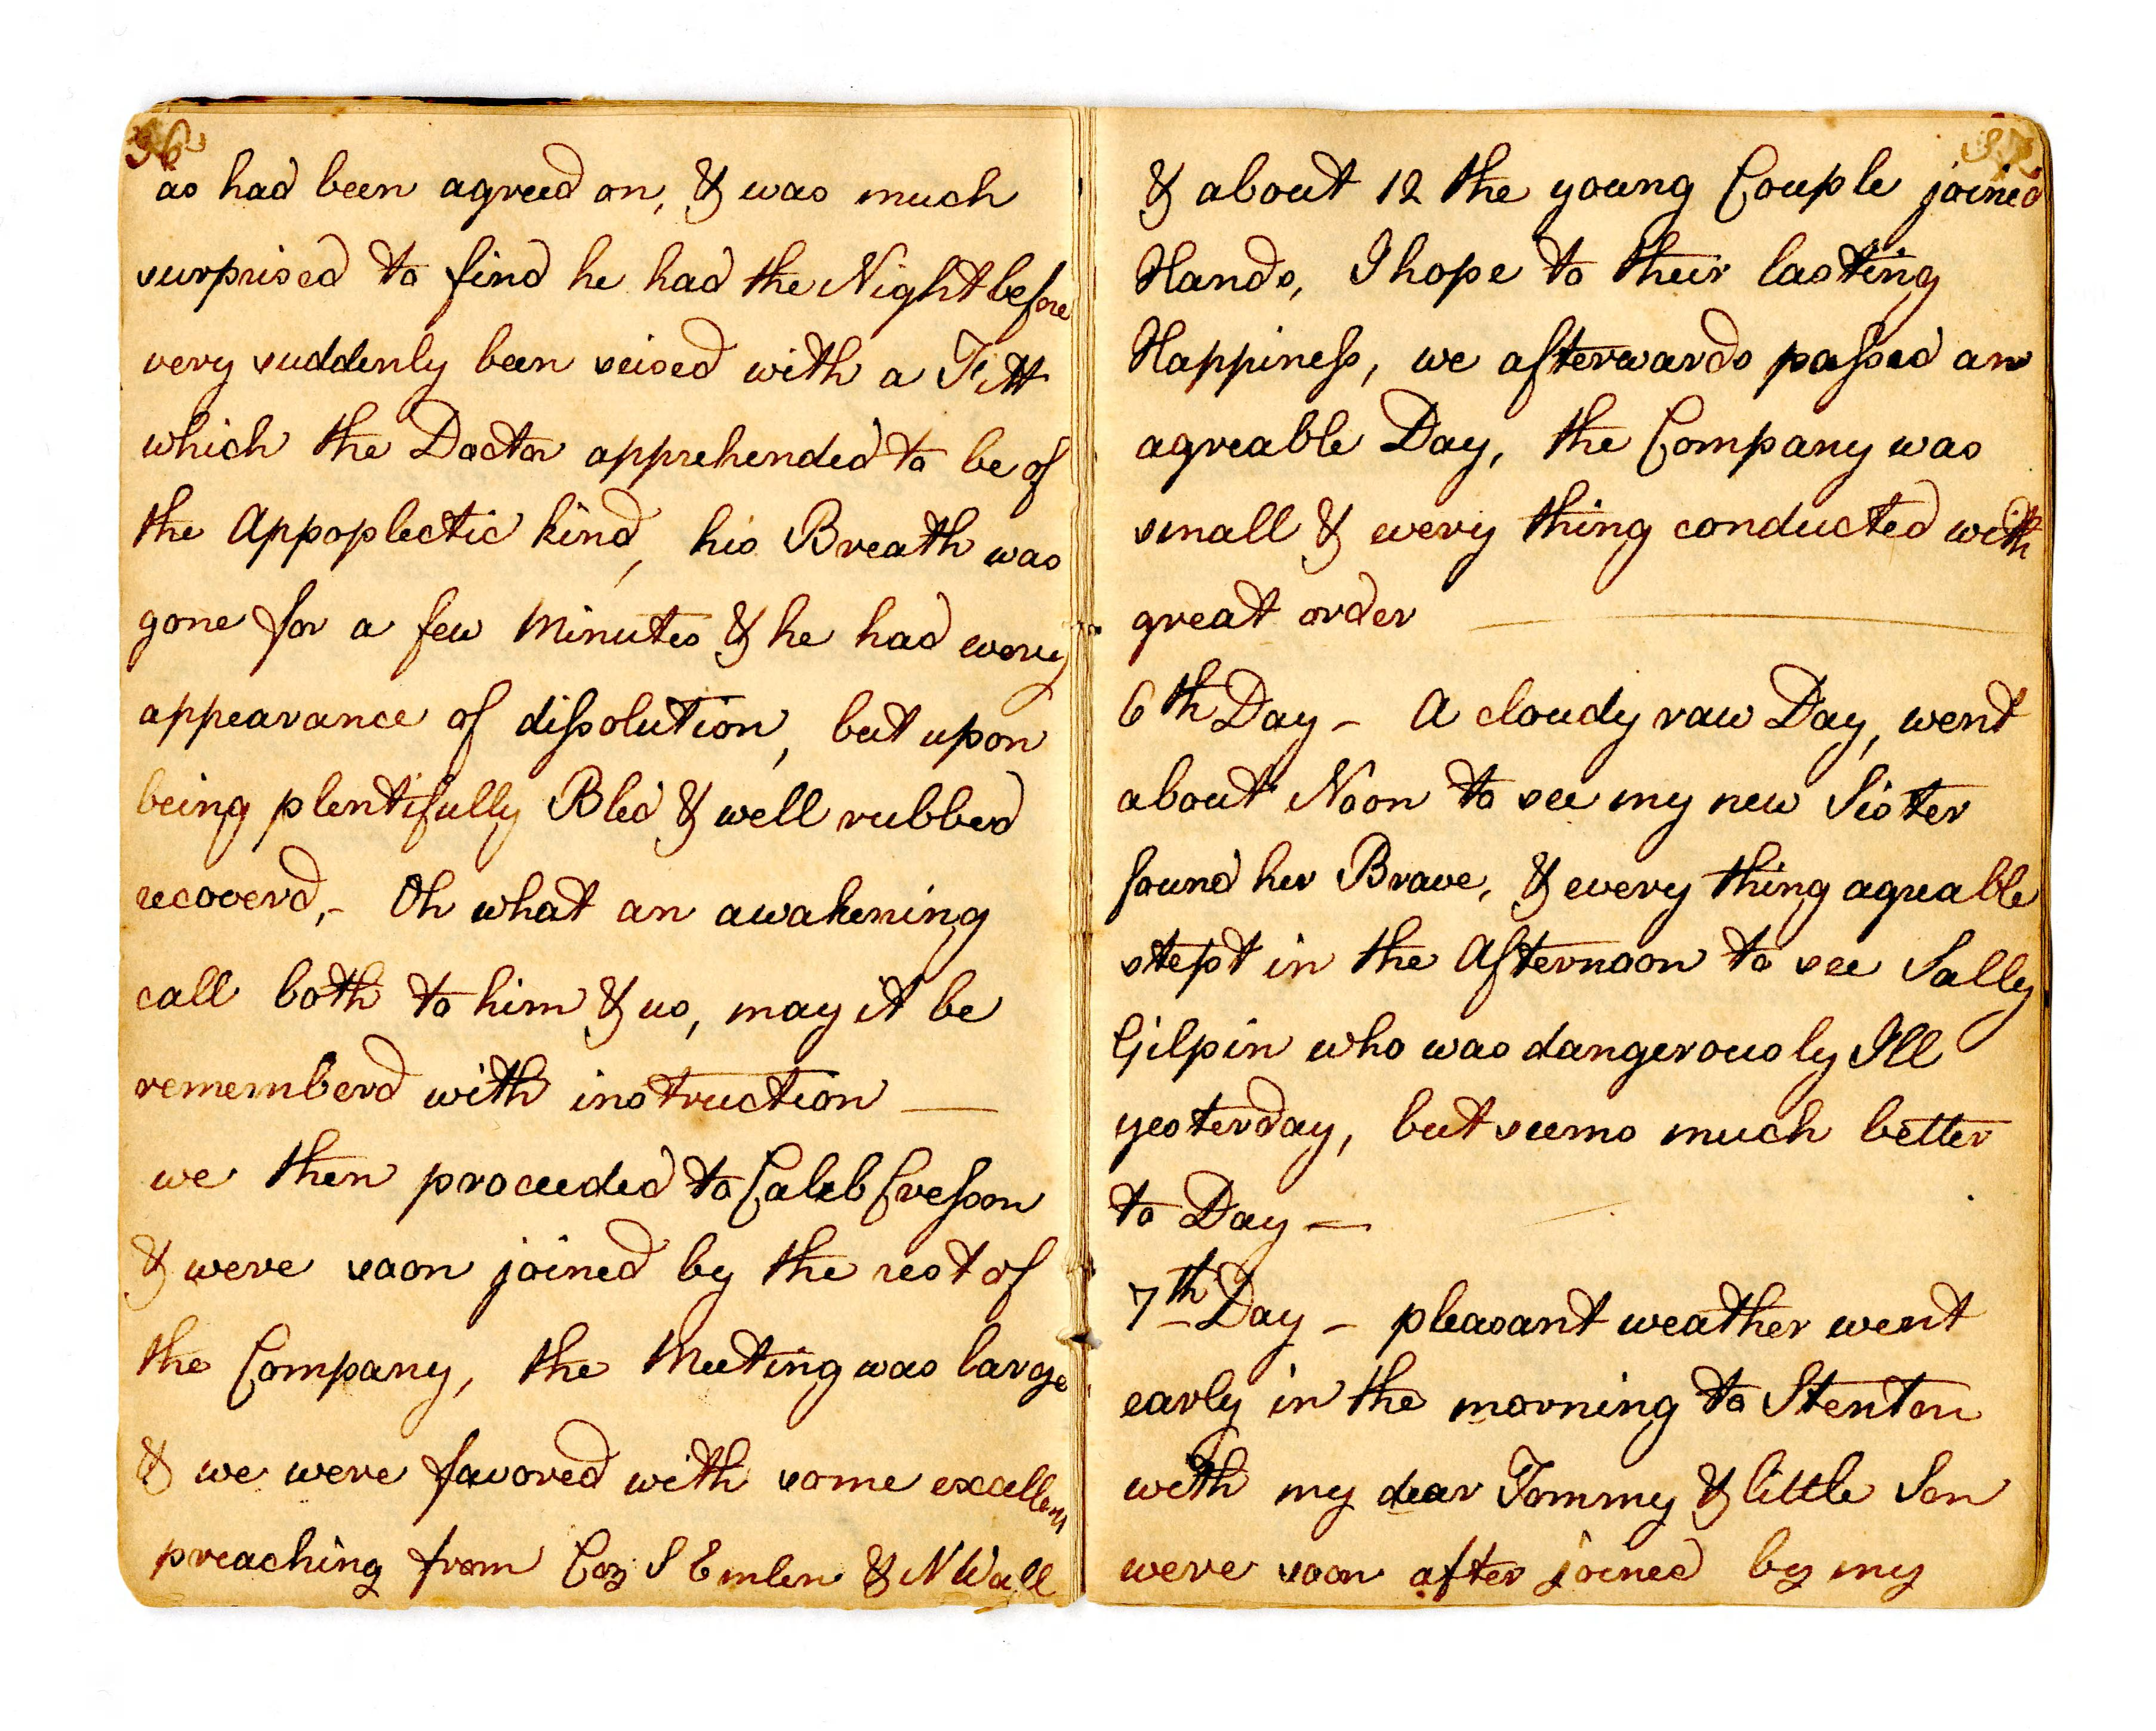36
as had been agreed on, & was much
surprised to find he had the Night before
very suddenly been raised with a Fitt
which the Doctor apprehended to be of
the Appoplectic kind, his Breath was
gone for a few minutes & he had every
appearance of dissolution, but upon
being plentifully Bled & well rubbed
recoverd, Oh what an awakening
call both to him & us, may it be
rememberd with instruction
we then proceeded to Caleb Cresson
& were soon joined by the rest of
the Company, the Meeting was large
& we were favored with some excellen
preaching from Coz S Emlen & N Wall
37
& about 12 the young Couple joined
Hands, I hope to their lasting
Happiness, we afterwards passed an
agreable Day, the Company was
small & every thing conducted with
great order
6^th Day- A cloudy raw Day, went
about Noon to see my new Sister
found her Brave, & every thing agreable
stept in the Afternoon to see Sally
Gilpin who was dangerously Ill
yesterday, but seems much better
to Day-
7^th Day- pleasant weather went
early in the morning to Stenton
with my dear Tommy & little Son
were soon after joined by my